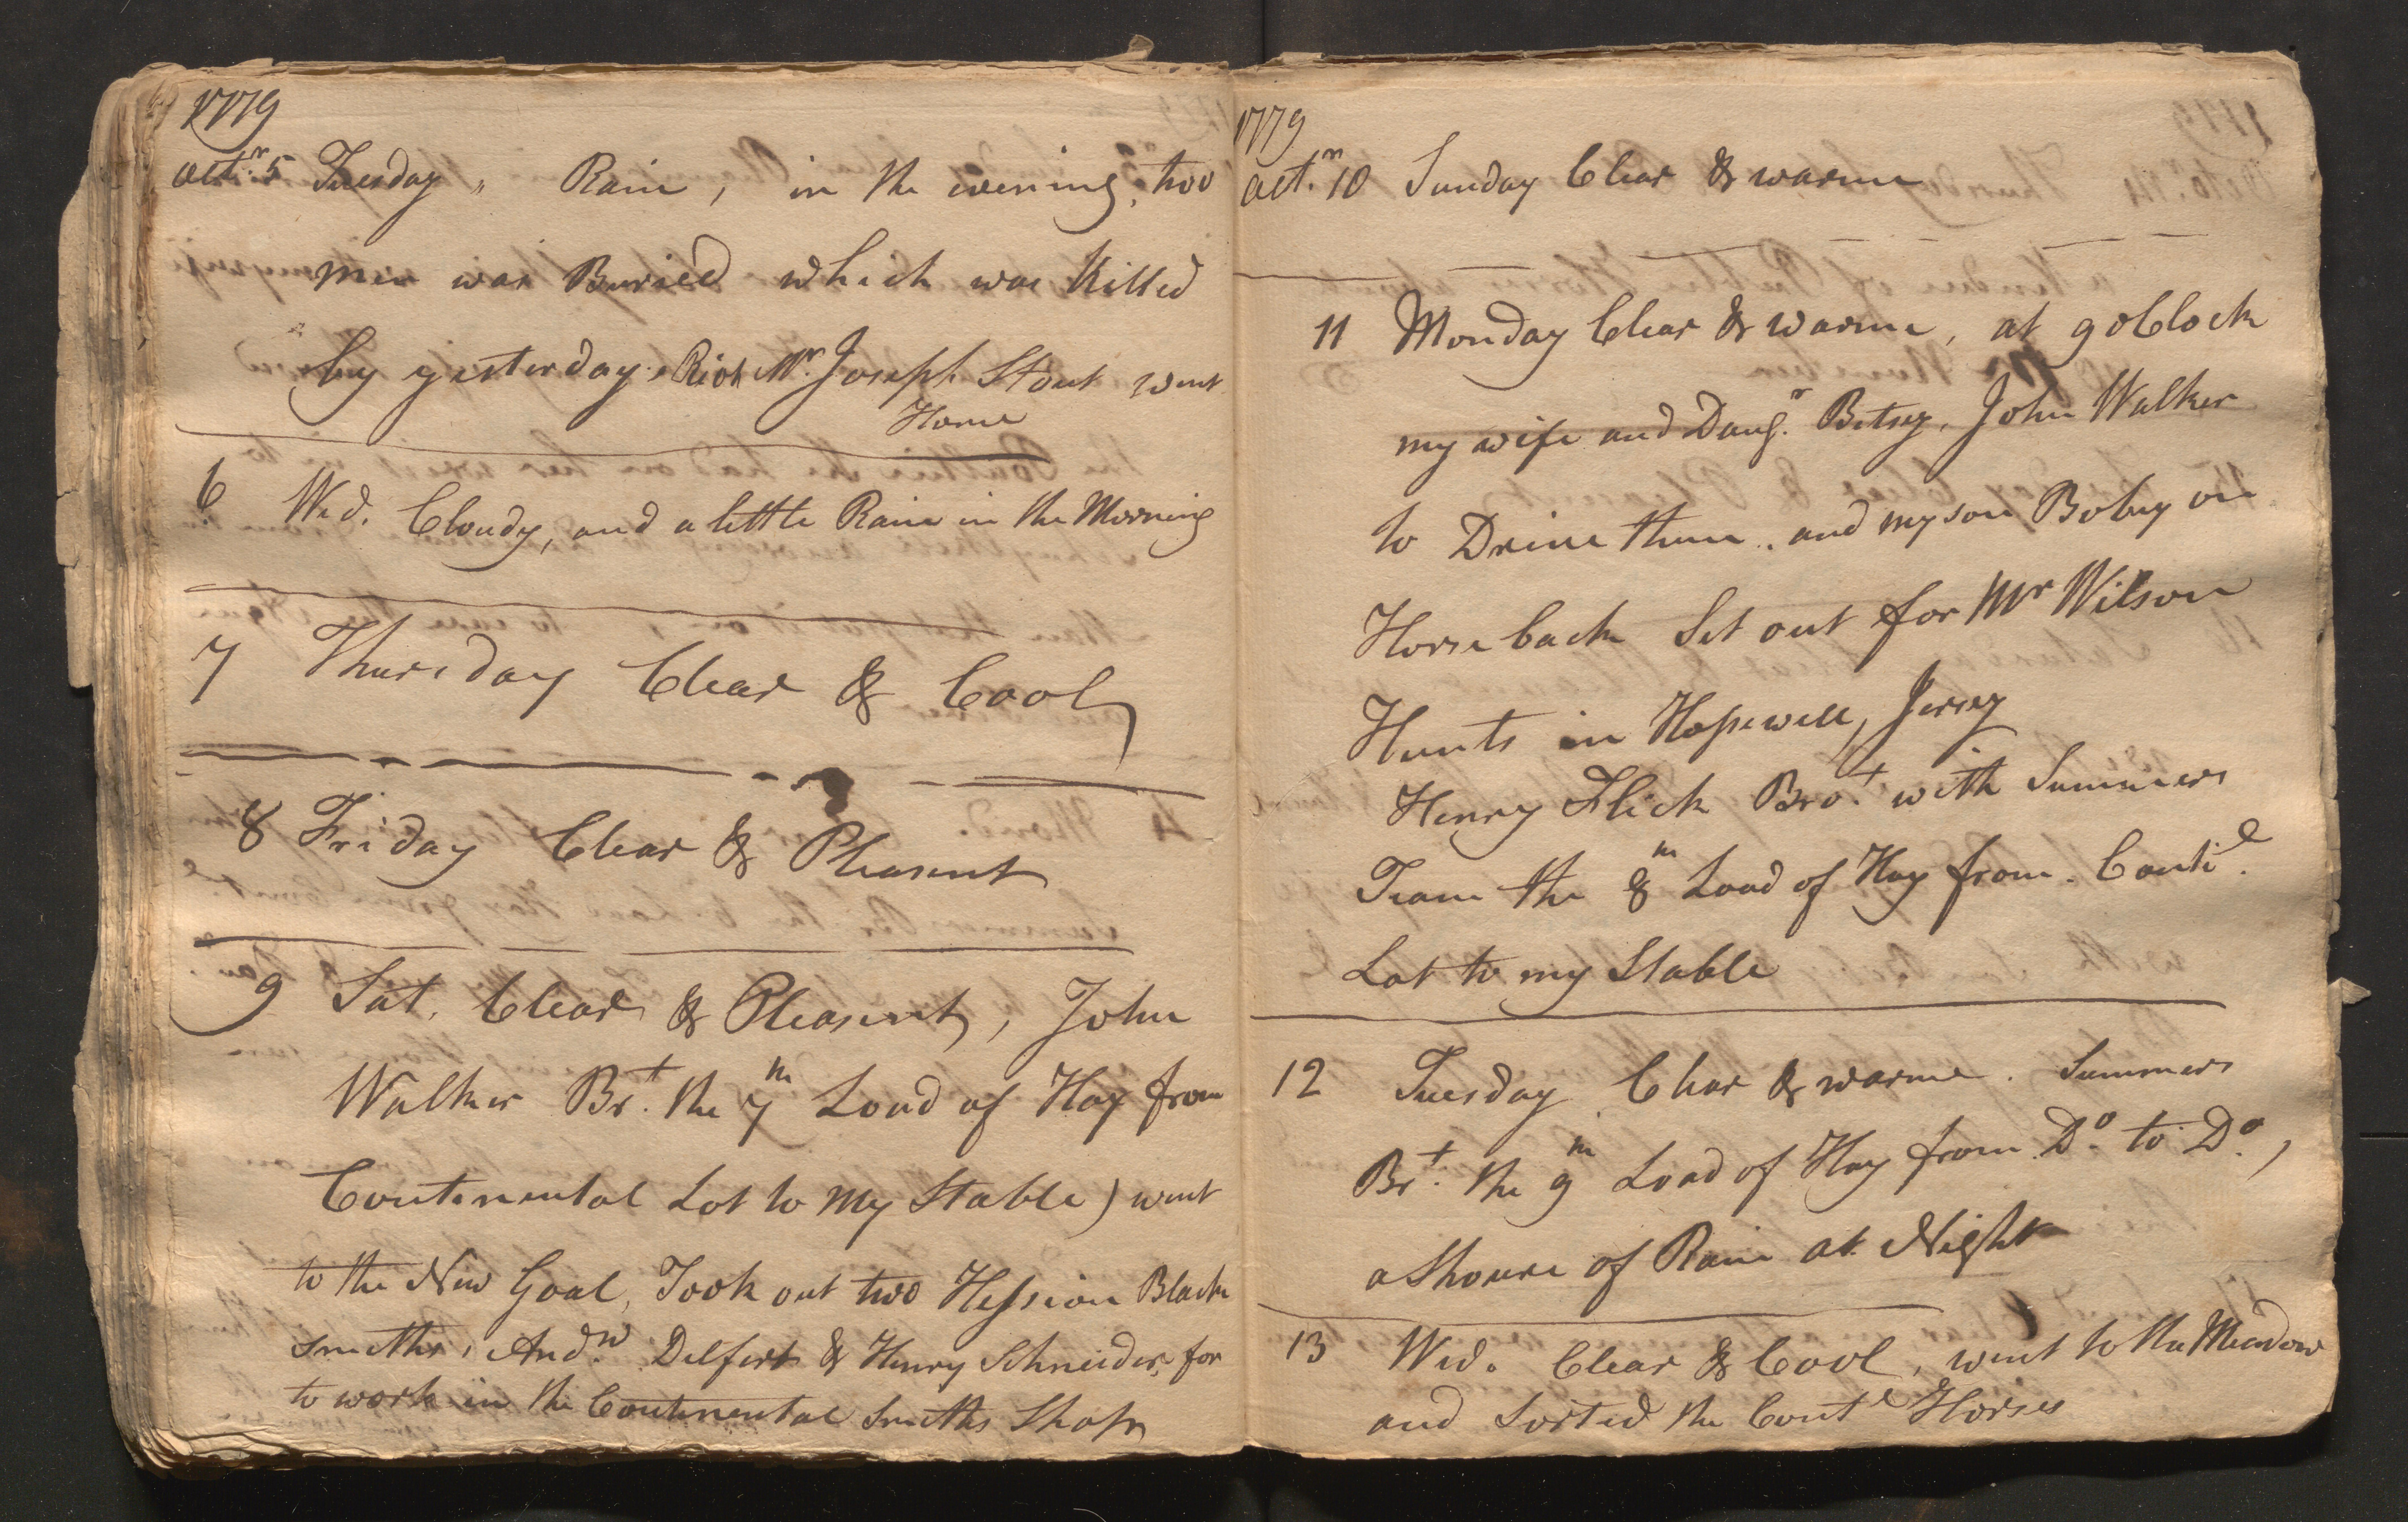1779
Oct^r. 5 Tuesday, Rain, in the evening two
men was Buried which was Killed
by yesterdays Riot M^r. Josph Stout went
Home
6 Wed. Cloudy, and a little Rain in the Morning
7 Thursday Clear & Cool
8 Friday Clear & Pleasent
9^r Sat. Clear & Pleasent, John
Walker Br^t. the 7^th Load of Hay from
Continental Lot to My Stable) went
to the New Goal Took out two Hessian Black
smiths, And^w. Delfert & Henry Schneider for
to work in the Continental Smiths shop
1779
Oct^r. 10 Sunday Clear & warm
11 Monday Clear & Warme, at 9 oClock
my wife and Daug^r. Betsey, John Walker
to Drive them, and my son Bobey on
Horse back Set out for M^r. Wilson
Hunts in Hopewell, Jersey
Henry Flick Bro^t. with Summers
Team the 8^th Load of Hay from Cont^l.
Lot to my Stable
12 Tuesday Clear & warme. Summers
Br^t. the 9^th. Load of Hay from D^o. to D^o.,
a Shoure of Rain at Night
13 Wed. Clear & Cool, went to the Meadow
aned Sorted the Cont^l Horses